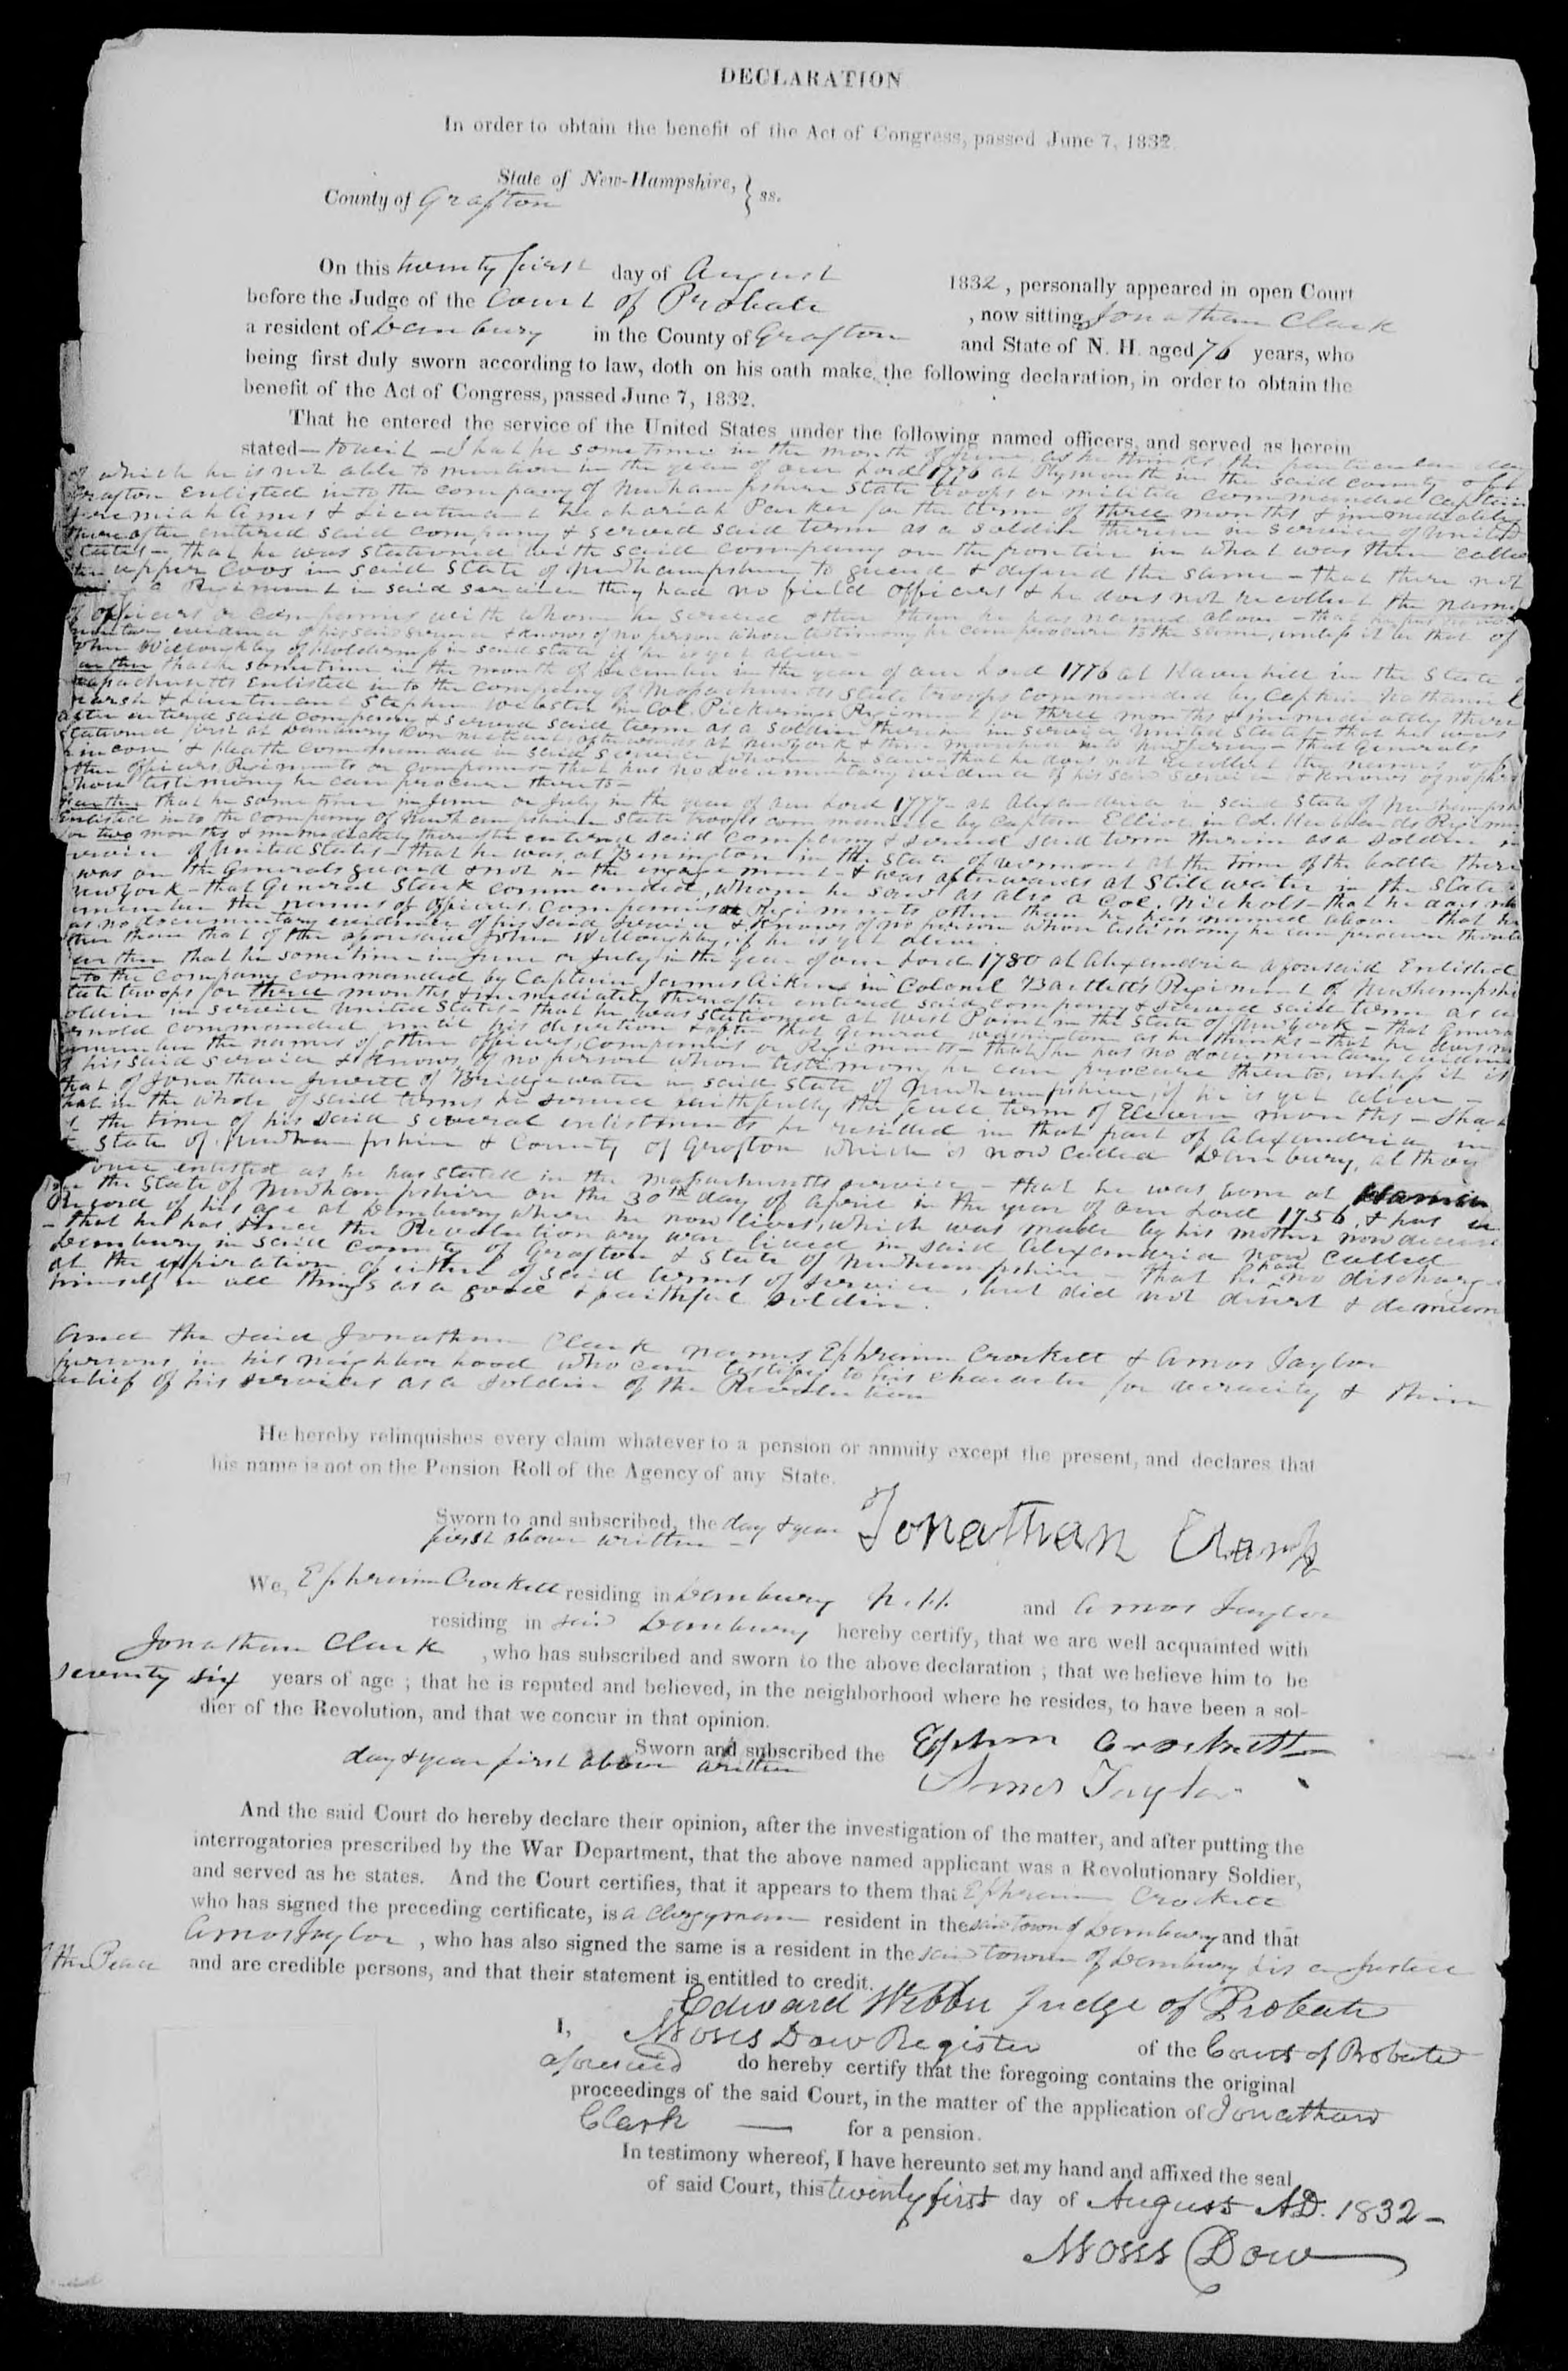DECLARATION
in order to obtain the benefit of the Act of Congress, passed June 7, 1832
Sate of New Hampshire
County of Grafton
On this twenty first day of August
before the Judge of the Court of Probate
now sitting Jonathan Clark
a resident of Danbury in the County of Grafton
https://catalog.archives.gov/images/misc/drag.pngand State of N. H. aged 76 years, who
being first duly sworn according to law, doth on his oath make the following declaration, in order to obtain the
benefit of the Act of Congress, passed June 7, 1832.

That he entered the service of the United States under the following named officers, and served as herein
stated-to wit- That he sometime in the month of June, as he thinks the particular day to
which he is not able to mention in the year of our Lord 1776 at Plymouth in the said County
of
Grafton enlisted into the company of Militia State troops or militia commanded captain
Jeremiah  Amet & Lieutenant Hechariah Parker for the term of three months & immediately
thereafter entered said company & served said term as a soldier therein in service of 
that he was stationed with said company on the positive in what was then called
upper Coos in said State of Newhampshire to grant & defend the same - that there not
Regiment in said service they had no field officers & he does not recollect the name
officers or [illegible] with whom he served other than he has named above, that
to evidence of his sins & knows of no person whom testimony he can procure to the same unless it be that of 

[TRANSCRIBED TO HERE]

John Willoughby afford in said state if he
wither that sometime in the month of December in the year of our Lord 1776 at Haverhill in the State 
chant enlisted into the company of Massachusetts State troops commanded by Captain to the
man.
in said company & served said ┃
stationed first of Denbury Connection of the was at New York & the minition be to her-- that Generals
on & pleath command in said
the officers to or component, the has no documentary evidence of his
or testimony he can produce thereto-
Further that he same time in farm or July in the year of our Lord 1777- at Alexanana in said State of M.
enlisted into the Company of Newhampshire State troops made by Captain Elliot in Col. Hubbard Ry
for two months of date thereof to entend said company & served said term therein as a sold.
service of United States that he was at Bennington in the State of Vermont at the time of the battle the ┃
was on the General guard & not in the engagement & was afterwards at Stillwater in the State
New York - that Ginered Stent commanded, whom he said as also a Col. Nichols that he
member the names of officient compensate to other the
as no documentary evidence of his said service & knows of whose
then them that the said John Willoughby of
July in the year of our Lord 1780 at Alexandria aforesaid Enlisted
his said service & knows of no person whose testimony he can procure the
That in the whole of said term he served faithfully the full term of Eleven months- that the
time of his said several enlistment he resided in that part of Alexandria
State of Newhampshire & County of Grafton which is now called Danbury, altho
some intitled as he has stated in the saints service- that he was born at Hamin
hampshire on the 30th day of April in the year of our Lord 1758, & has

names: Moses Dow, Elliott, Ephraim Crockett, James Aikins, Edward Webber, Ephraim Crockett, Ephm Crockett, Amos Taylor, Jonathan Clark, Jonathan Clark, Ephraim Crockett, Moses Dow, Jonathan Clark, Amos Taylor, Amos Taylor, Jonathan Clark, Jonathan Clark, Nathaniel Clark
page: 4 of 18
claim: survivor's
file: S. 12,512, Jonathan Clark, Mass. N.H.